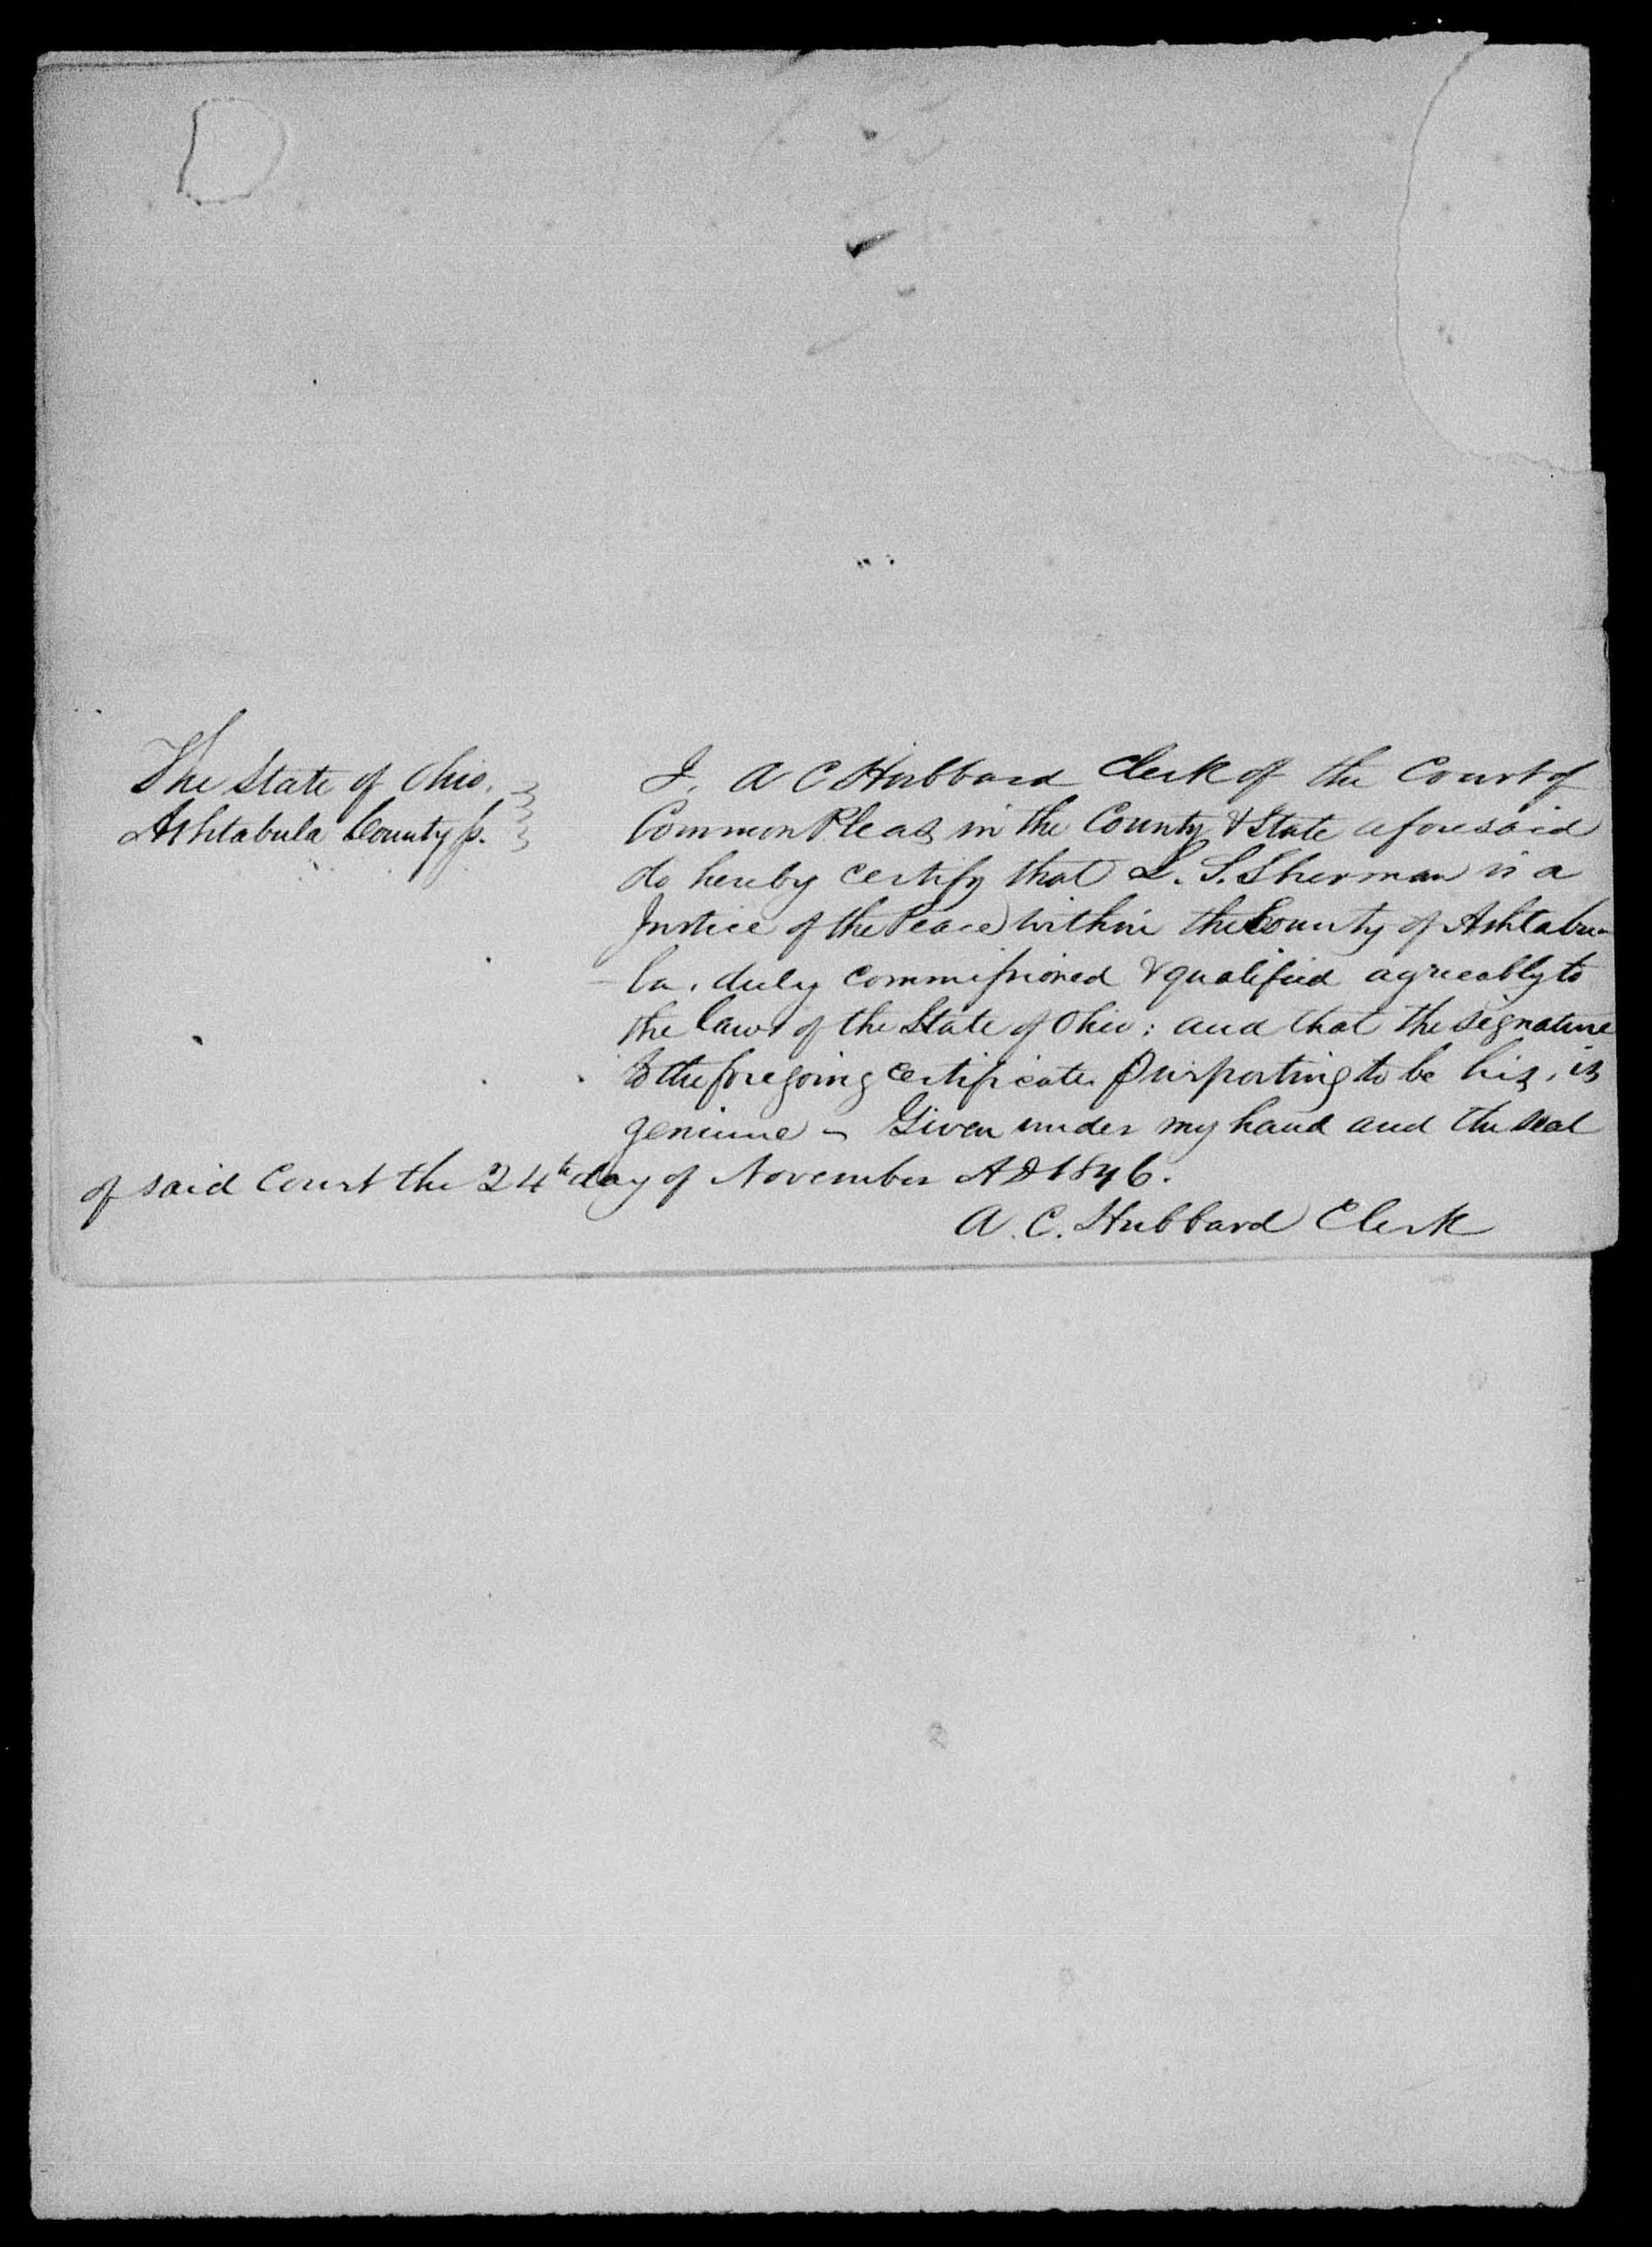The State of Ohio,
Ashtabula County ss.} I, A. C. Hubbard Clerk of the Court of Common Pleas in the County & State aforesaid do hereby certify that L. S. Sherman is a Justice of the Peace within the County of Ashtabula, duly commissioned & qualified agreeably to the laws of the State of Ohio; and that the signature to the foregoing certificate purporting to be his, is genuine - 
[court seal] Given under my hand and the seal of said Court the 24th day of November AD 1846.
/s/A. C. Hubbard Clerk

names: A C Hubbard, A C Hubbard, L S Sherman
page: 24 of 80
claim: survivor's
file: S. 18008, Thomas Harvey, N.H.